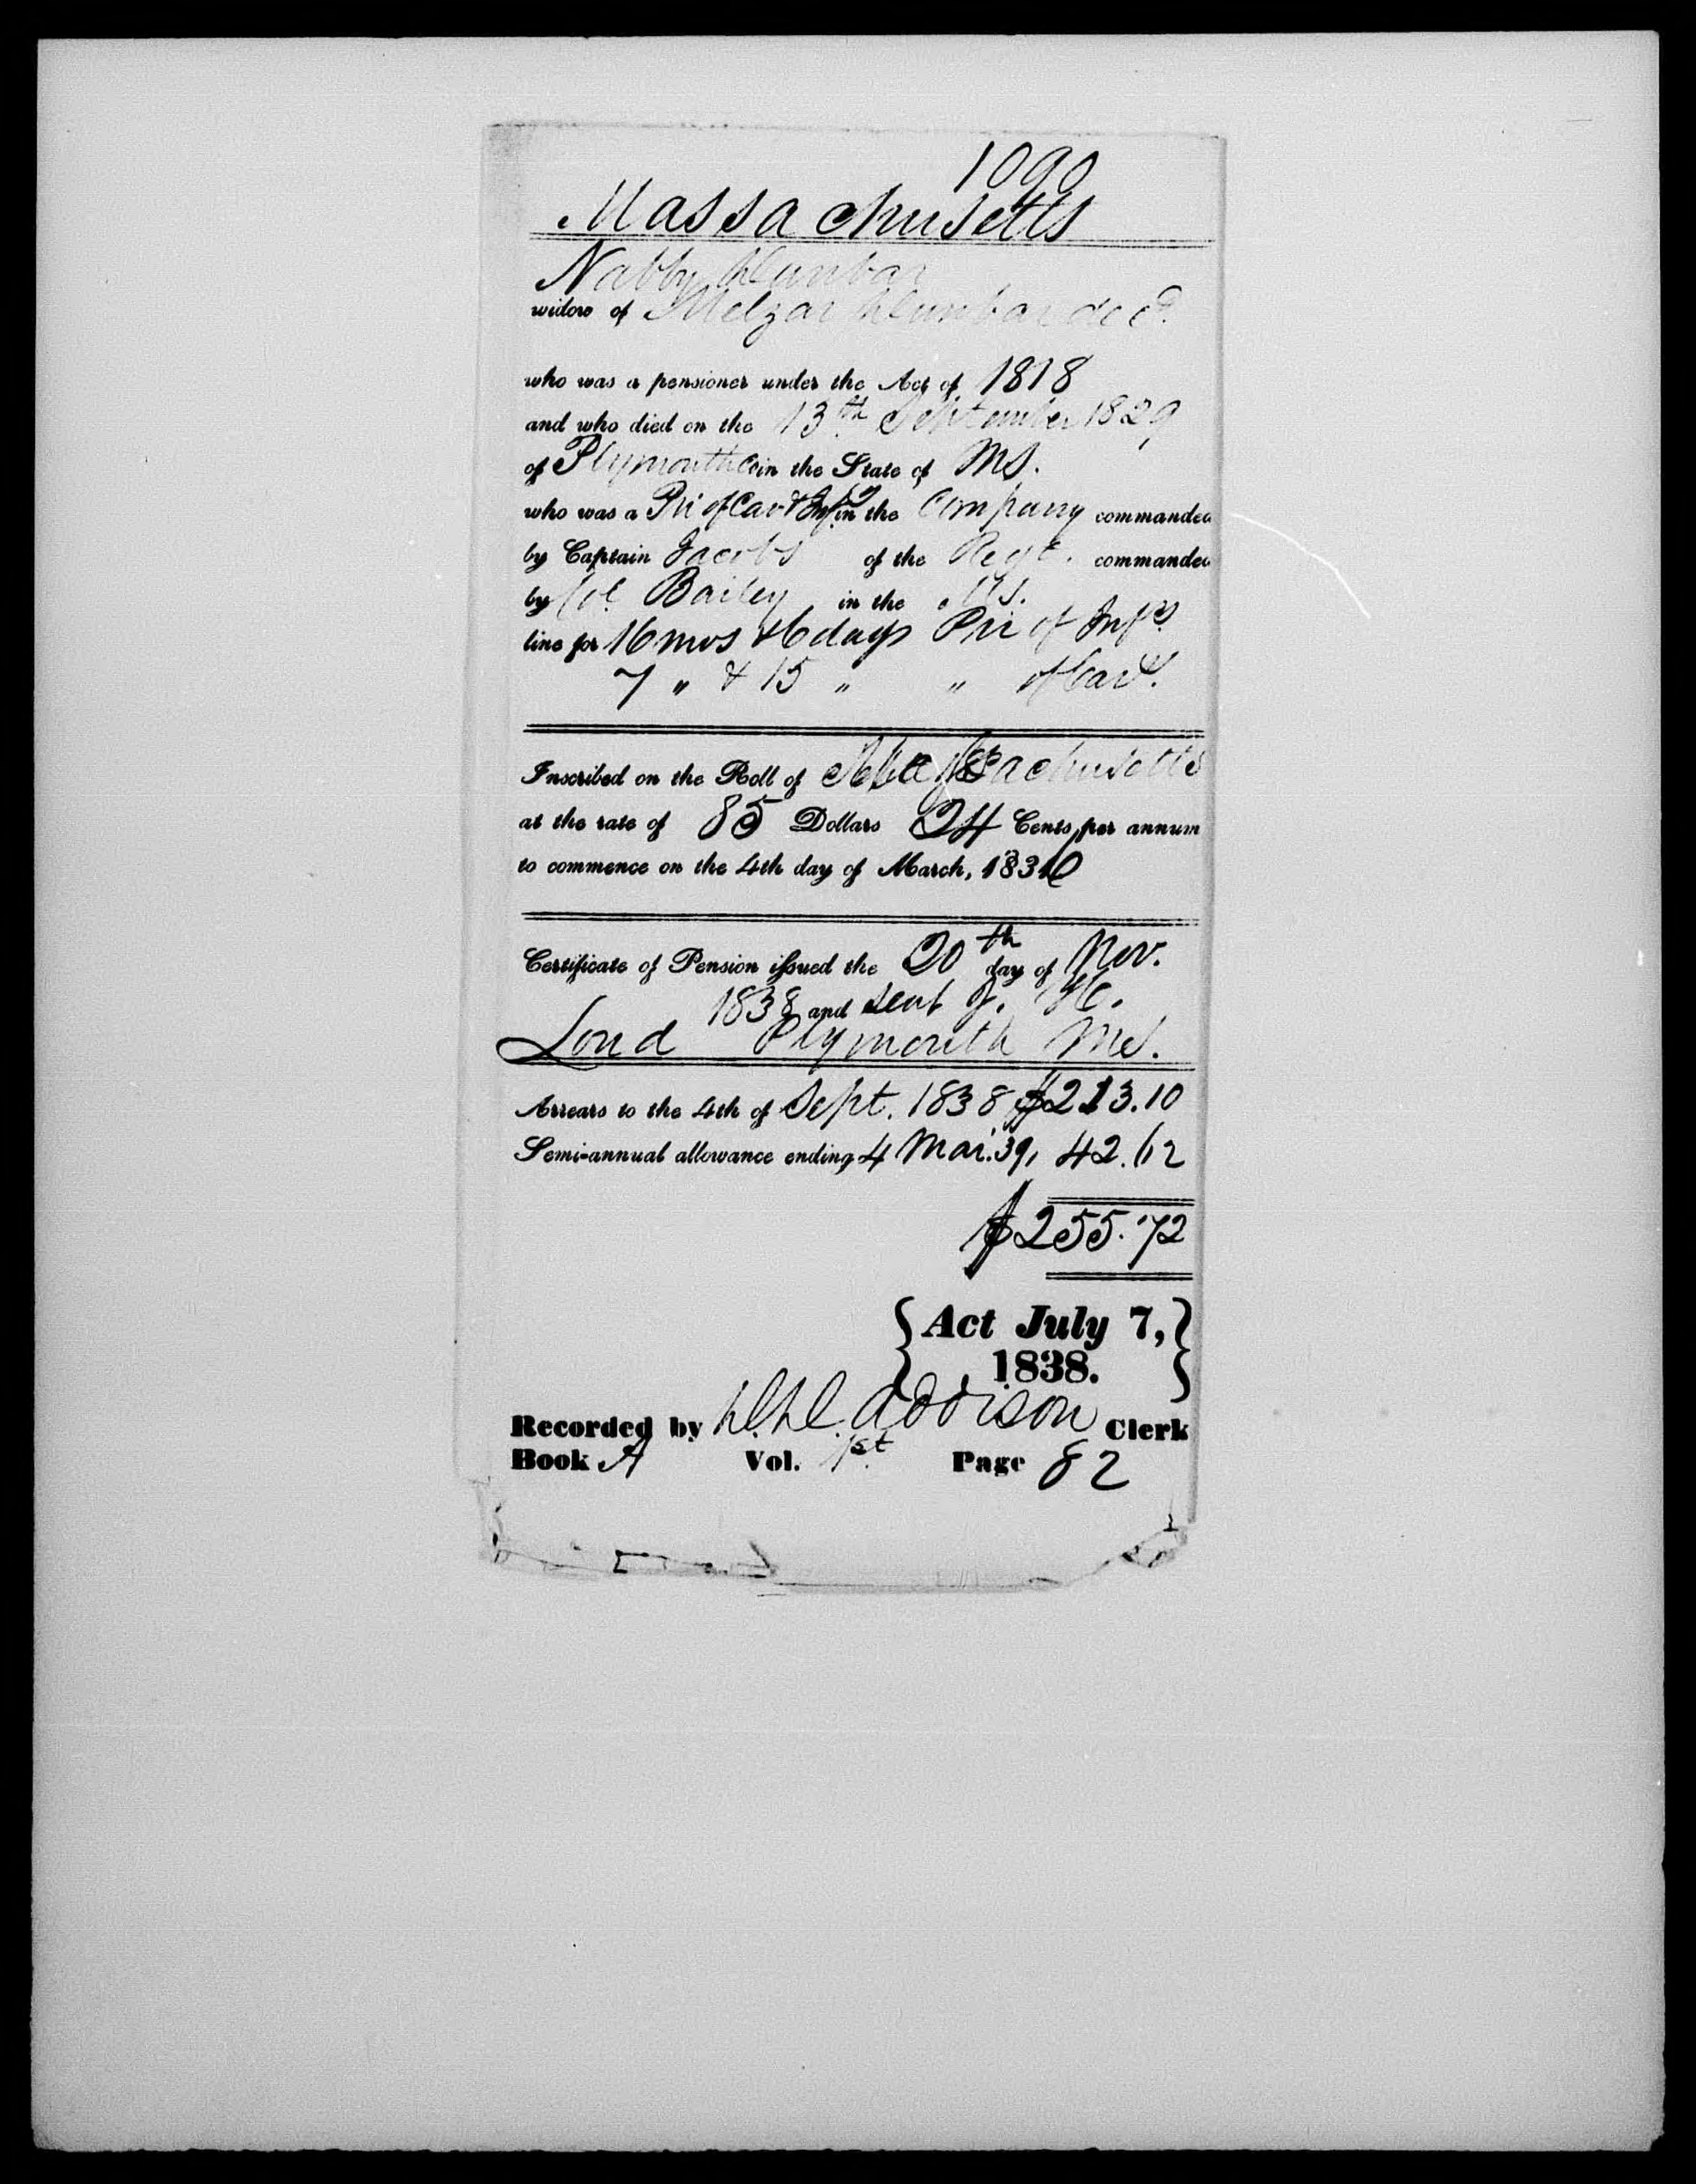1090


Massachusetts

Nabby Dunbar
widow of Melzar Dunbar decd.

who was a pensioner under the Act of 1818
and who died on the 13th September 1829
of Plymouth Co. in the State of Mass.
who was a Priv. of Cav. and Inf. in the company commanded by  Capt. Jacob's of the Regt. commanded by Col. Bailey in the Mass. line fro 16 months and 6 days - Priv. of Infantry
7 months and 15 days Pri. of Cav.


Inscribed on the Roll of Massachusetts 
at the rate of 85 Dollars 24 cents per annum
to commence on the 4th day of March, 1836.

Certificate of Pension issued the 20th day of Nov. 1838 and sent to J.H. Loud Plymouth, MA

Arrears to the 4th of Sept. 1838 - $213.10
Semi-annual allowance ending 4 March 1839, $42.62

$255.72

{Act July 7,}
{1838}

Recorded by D.D. Addison Clerk
Book A  Vol. 1st   Page 82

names: Jacobs, D D Addison, Melzar Dunbar, J H Loud, Nabby Dunbar, Bailey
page: 12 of 26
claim: widow's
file: W. 14657, Melzar Dunbar, Mass.